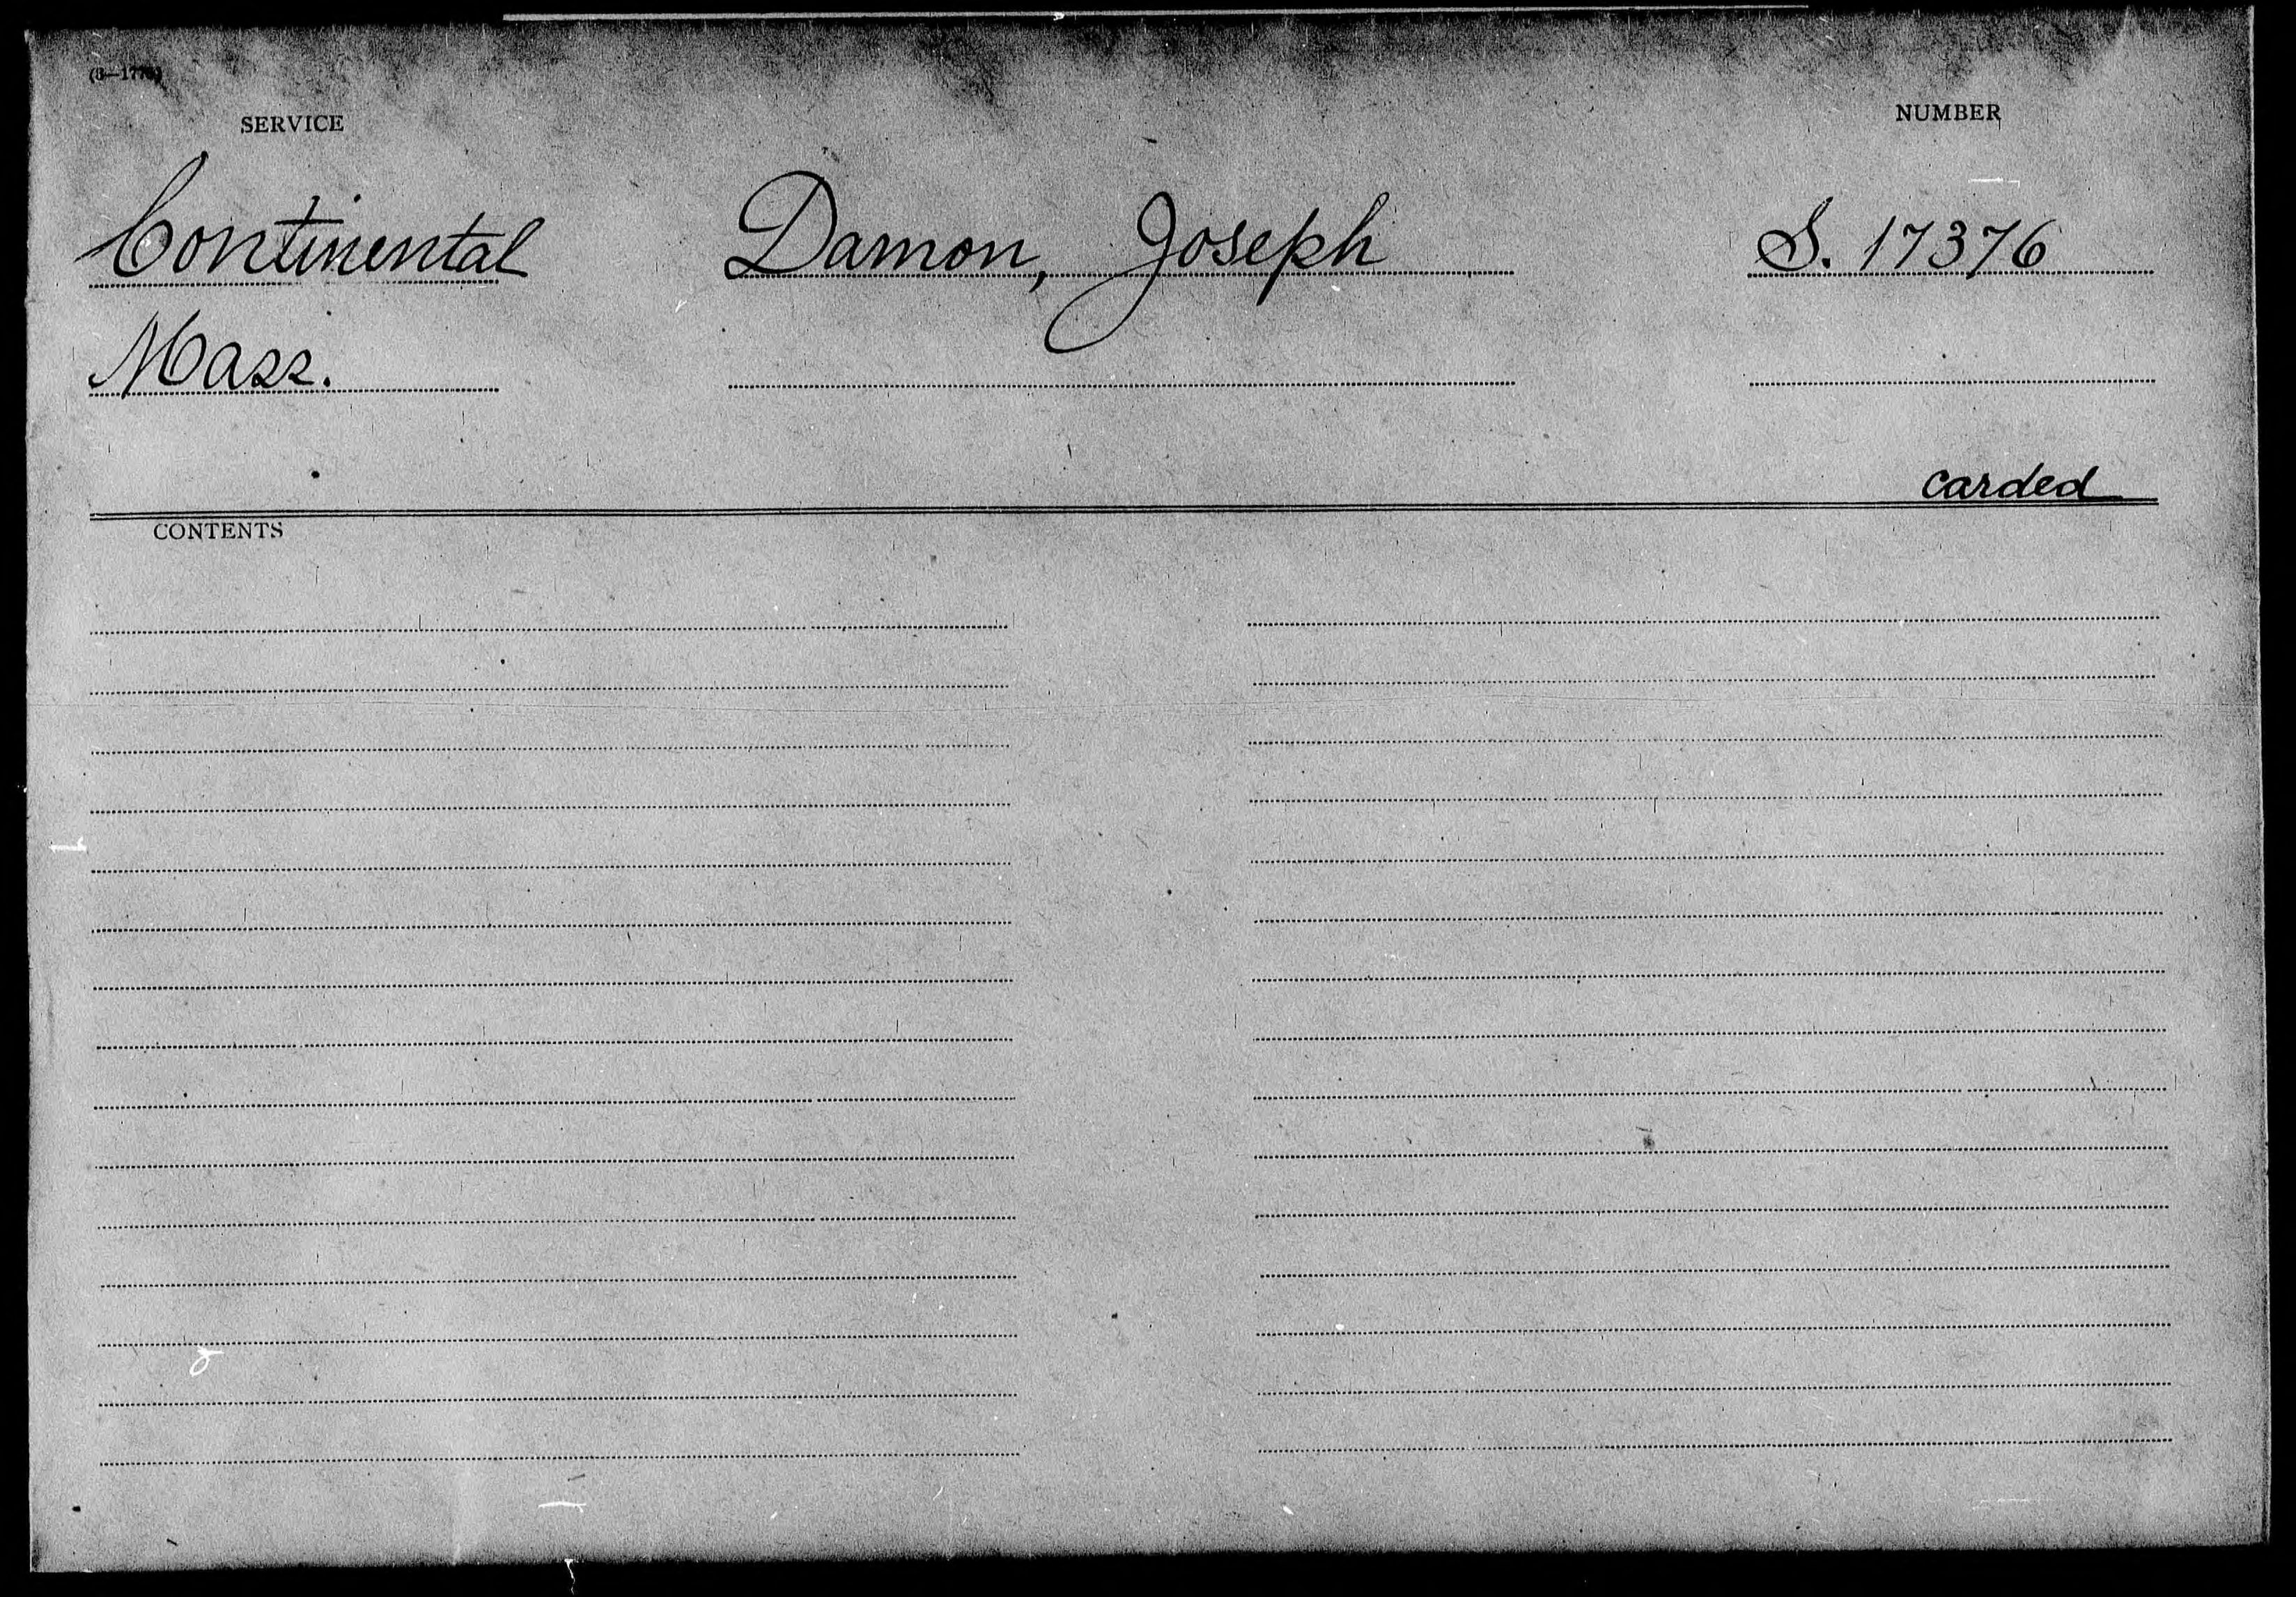Continental | Damon, Joseph | S.17376
Mass.

carded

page: 1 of 28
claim: survivor's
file: S. 17376, Joseph Damon, Continental Mass.